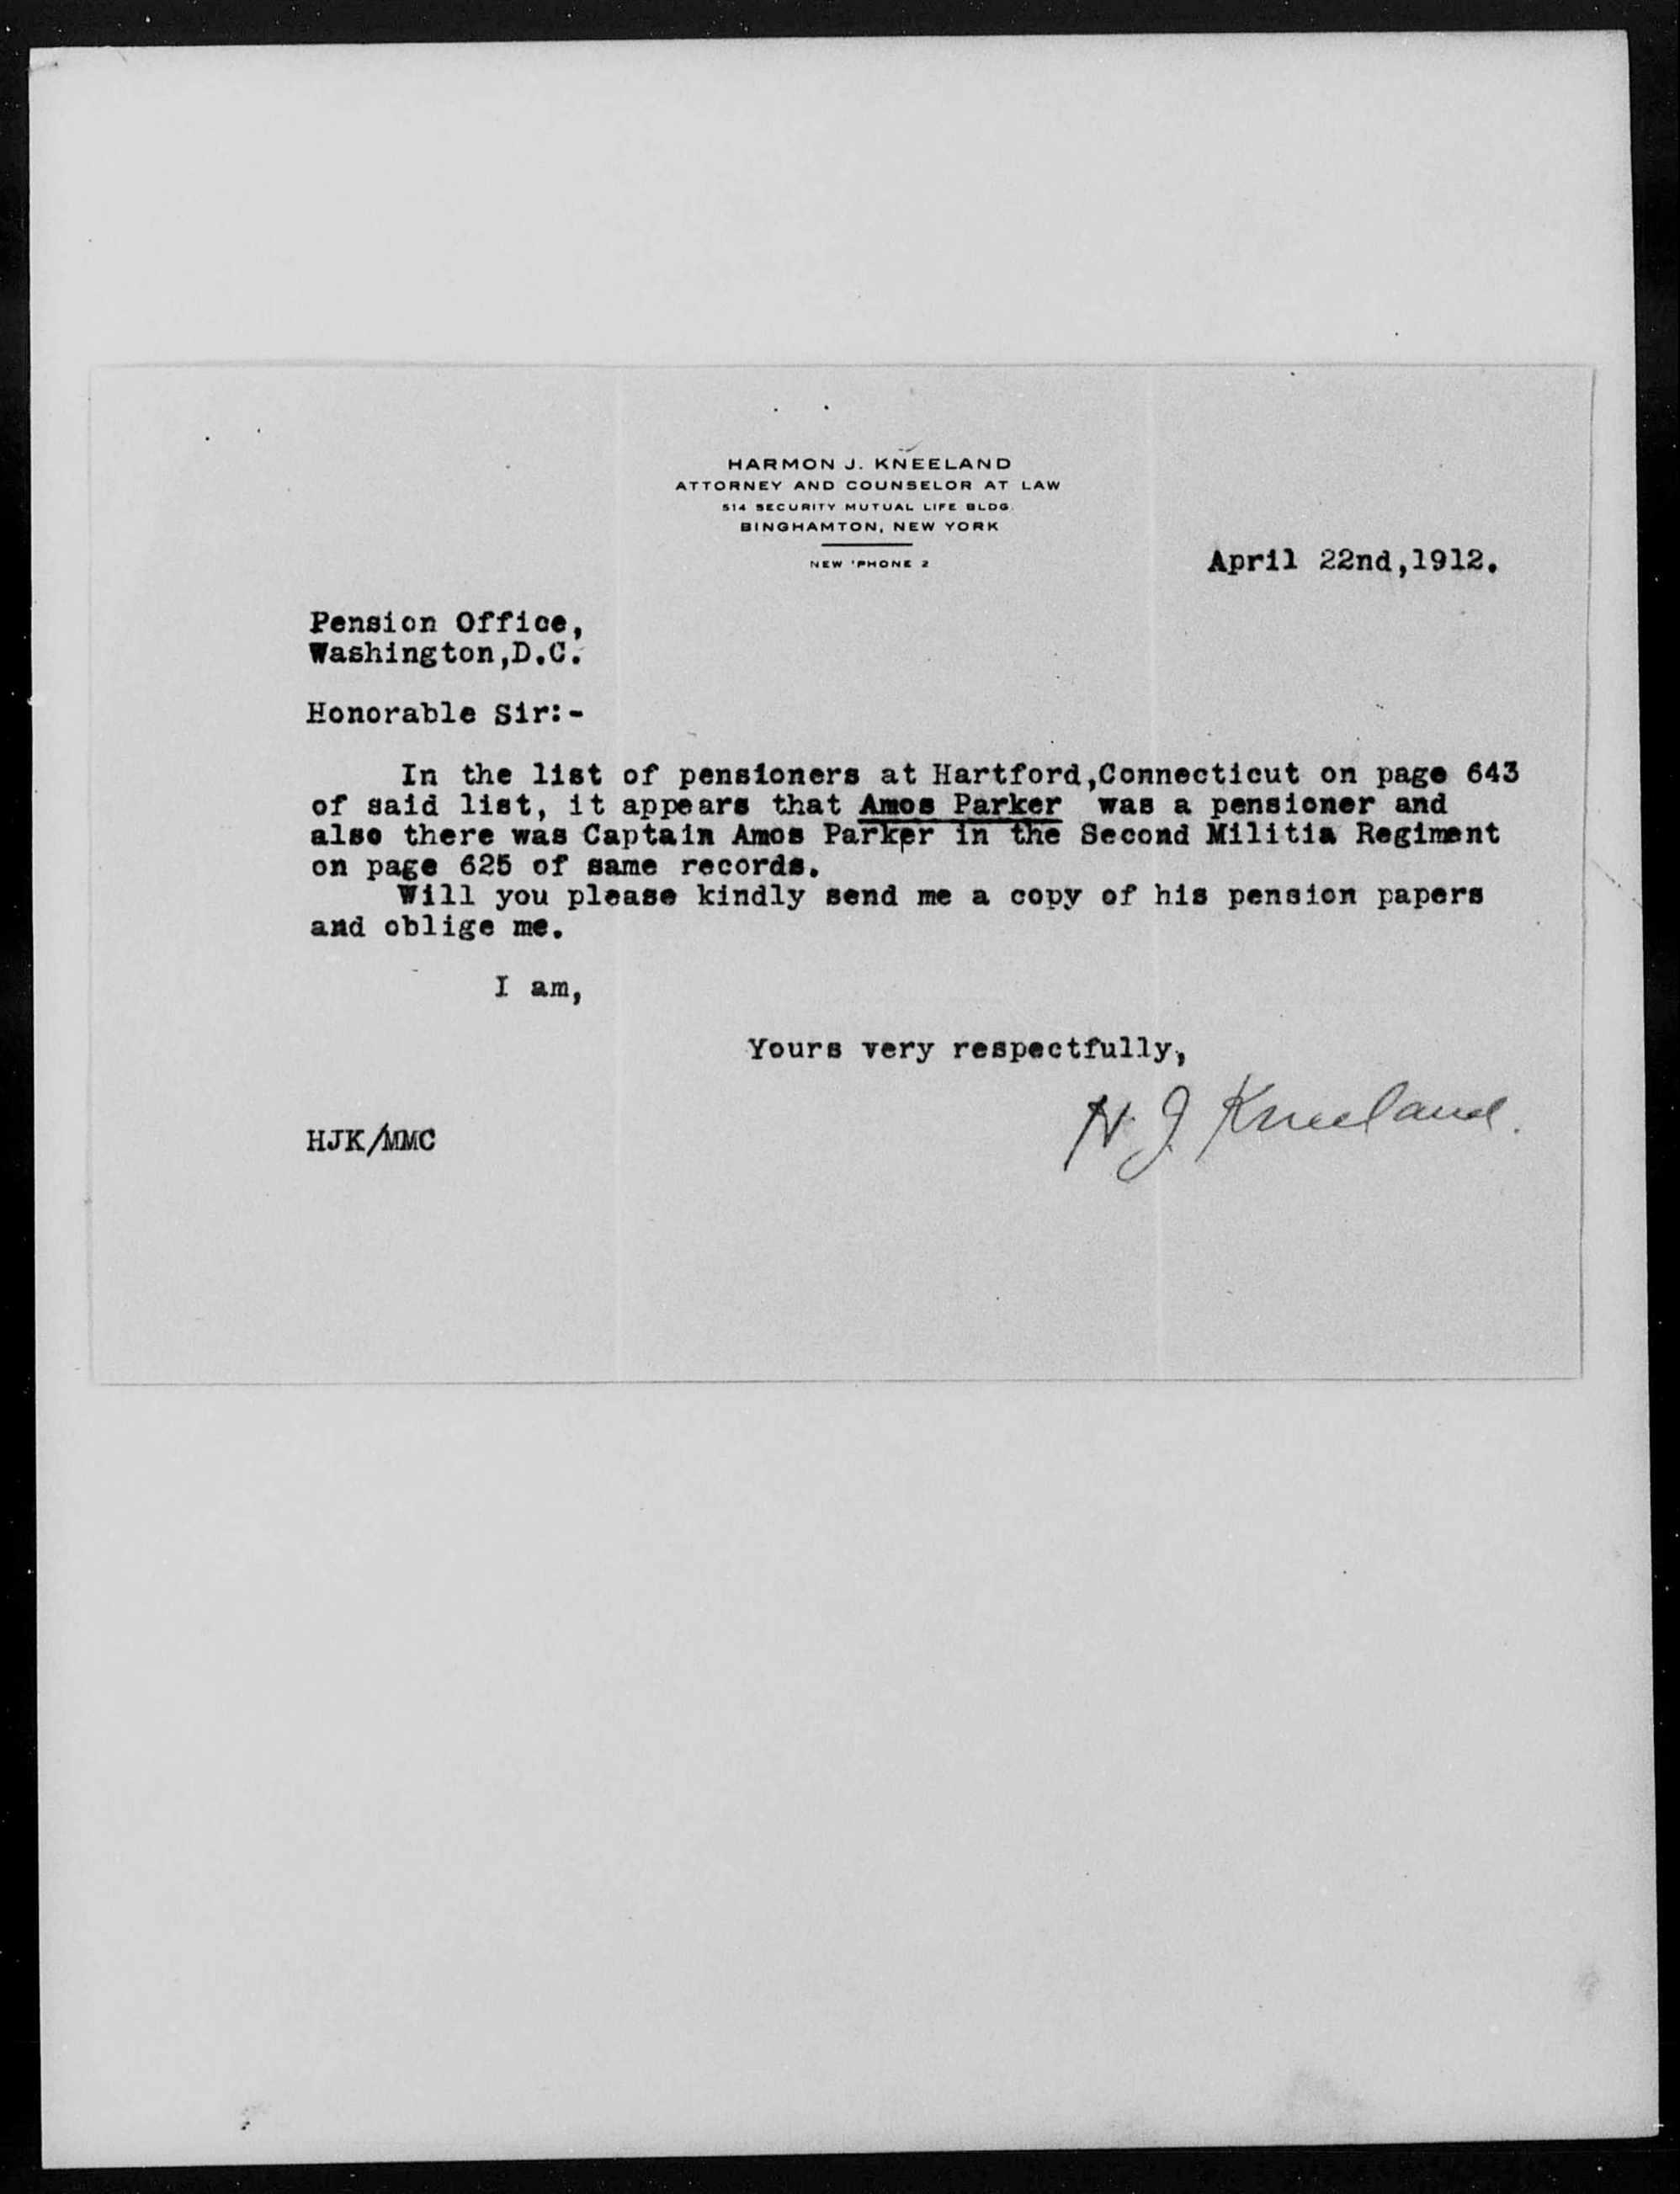HARMON J. KNEELAND
ATTORNEY AND COUNSELOR AT LAW
S14 SECURITY MUTUAL LIFE BLDG.
BINGHAMTON, NEW YORK
NEW PHONE 2
April 22nd, 1912.
Pension Office,
Washington, D. C.
Honorable Sir:
In the list of pensioners at Hartford Connecticut on page 643
of said list, it appears that Amos Parker was a pensioner and
also there was Captain Amos Parker in the Second Militia Regiment
on page 625 of same records.
Will you please kindly send me a copy of his pension papers
and oblige me.
I am,
Yours very respectfully,
H. J. Kneeland
HJK/MMC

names: Amos Parker; Harmon J Kneeland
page: 25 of 31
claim: survivor's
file: S. 43766, for Amos Parker, Connecticut